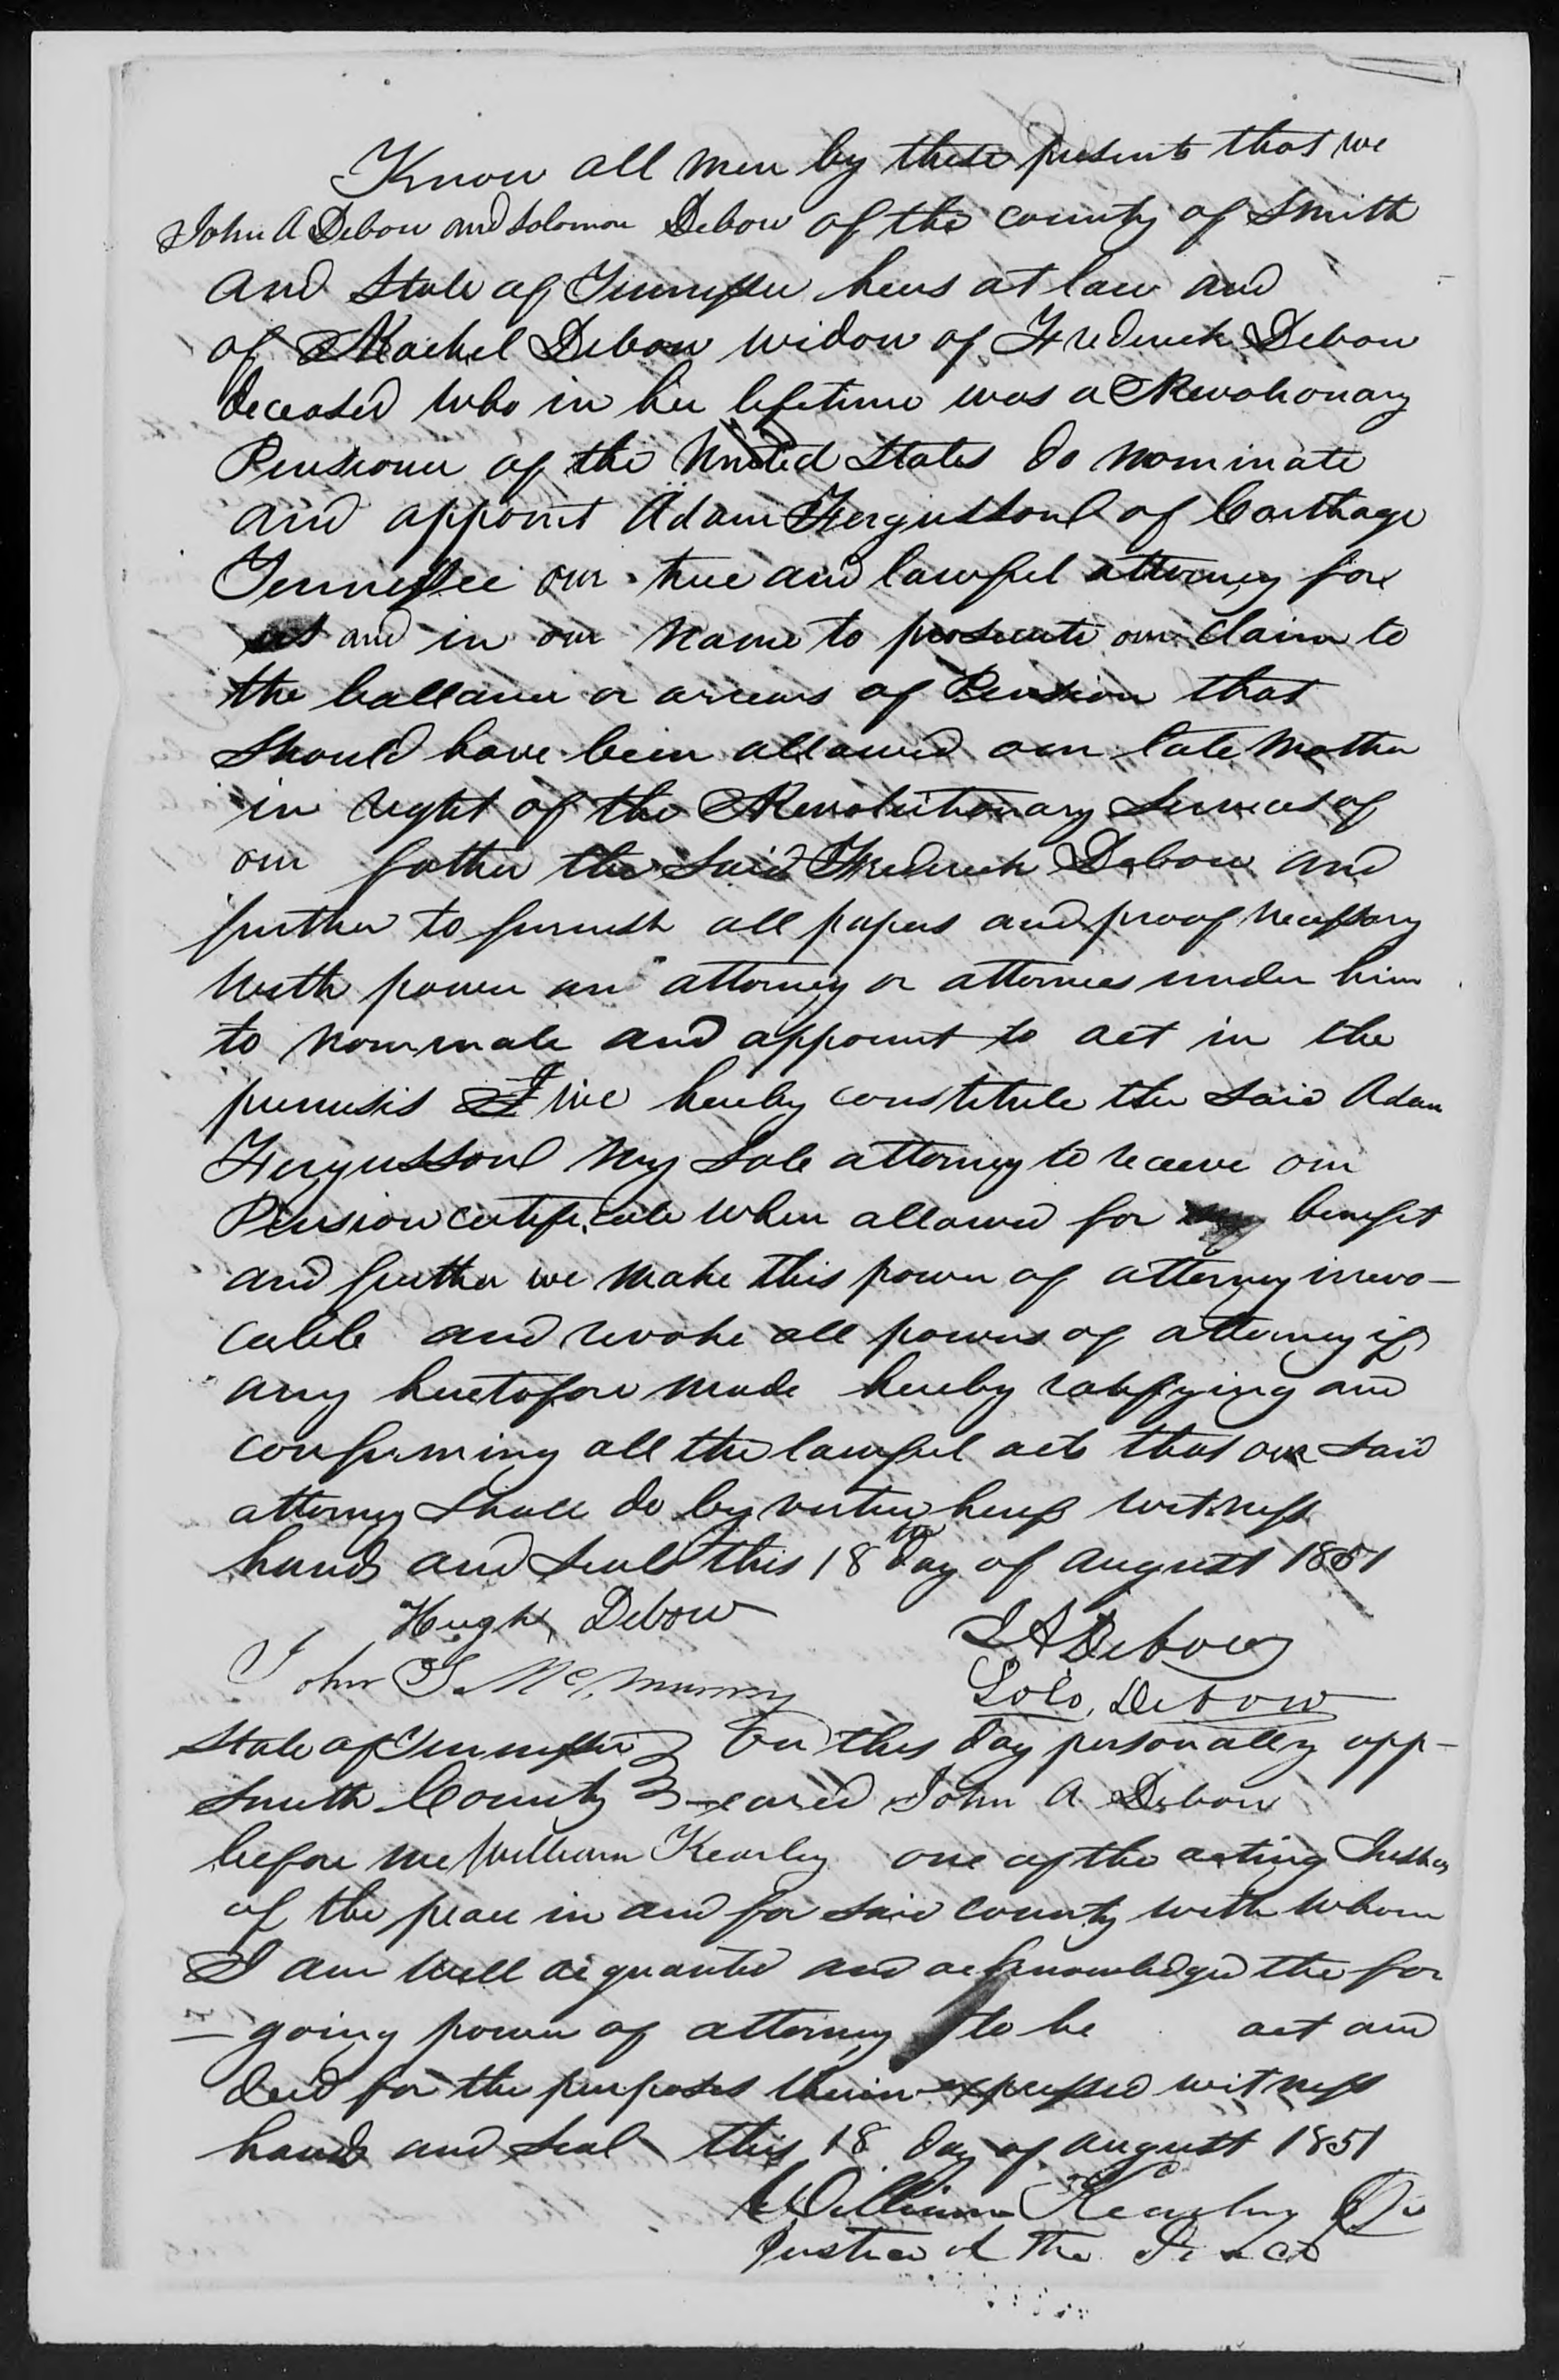Know all men by those present that we John A Debow and Solomon Debow of the county of Smith and State of Tennessee hers at law and of Rachel Debow widow of Frederick Debow deceased who in his lifetime was a Revolutionary XX of the United States do nominate and affidavit Adam Gennifer of Carthage Tennessee our true and lawful attorney for [ink blot] and in our name to persecute our claim to the ball[illegible] or arrears of [illegible] that should have been allowed our late mother in [illegible] of the Revolutionary Service of our father the said Frederick Debow and further to furnish all papers and proof officially with power an attorney or attornies under him to [illegible] and appoint to act in the [illegible] we hereby contribute the said Adam XXX my [illegible] attorney to receive in Pension certificate when allowed for my benefit and further we make this power of attorney if any here to fore made hereby [illegible] and confirming all the lawful acts that our said attorney shall do by [illegible] here [illegible] [illegible] hands and seal this 18 day of August 1851.
Hugh Debow	J A Deboe
John A McMurray 	Solo Debow
State of Tennessee} for this day personally ap-
Smith County}peared John A Debow
Before John S McMurray    William Kearly   one of the acting [illegible]
Of the peace in and for said county with whom
I am well acquainted and acknowledged that for
Going power of attorney to the act and
[illegible] for the [illegible] [illegible] expe[illegible] witness
Hand and seal this 18 day of August 1851
William Kearley 
Justice of the Peace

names: William Kearley, John A Debow, Frederick Debow, Solomon Debow, J A Debow, Frederick Debow, John A Debow, Solo Debow, John S Mc Murry, William Kearley, Hugh Debow, Rachel Debow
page: 14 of 62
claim: widow's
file: W 7005, Frederick Debow, N.C.